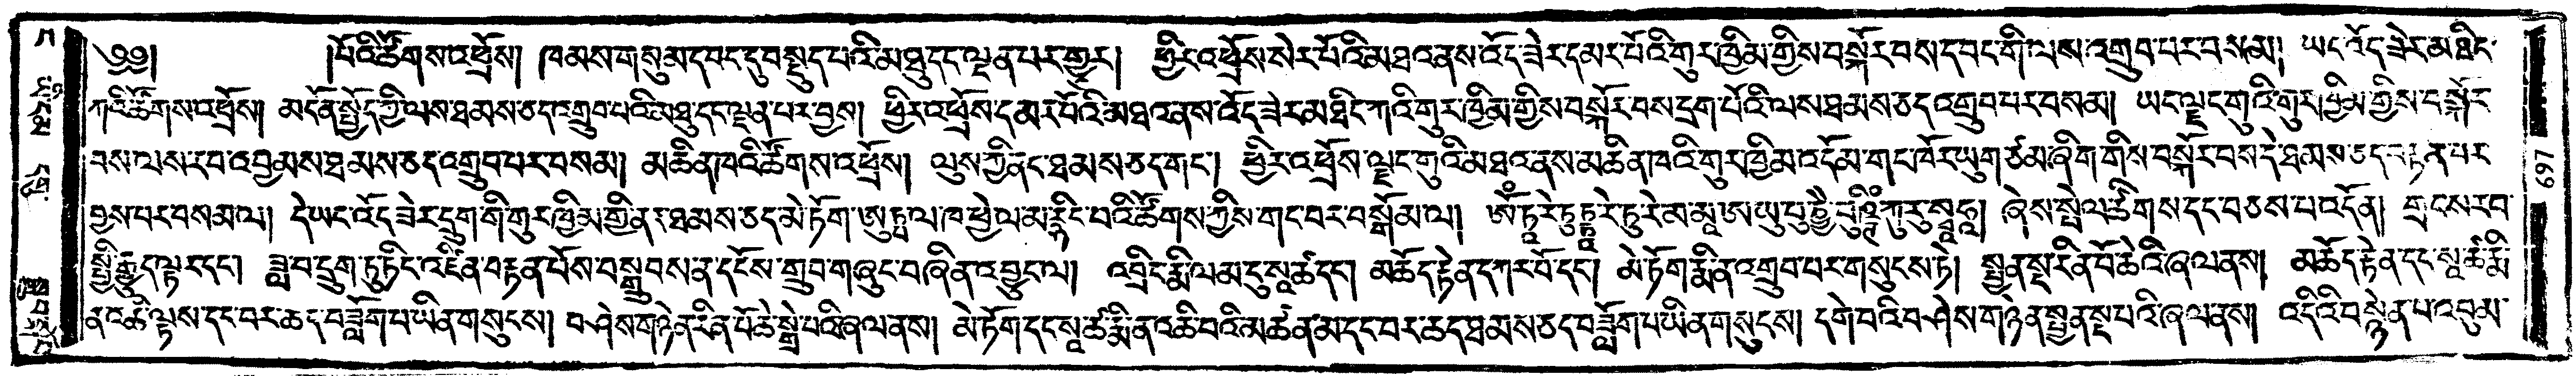༄༅། །པོའི་ཚོགས་འཕྲོས། ཁམས་གསུམ་དབང་དུ་བསྡུད་པའི་མཐུ་དང་ལྡན་པར་གྱུར། ཕྱིར་འཕྲོས་སེར་པོའི་མཐའ་ནས་འོད་ཟེར་དམར་པོའི་གུར་ཁྱིམ་གྱིས་བསྐོར་བས་དབང་གི་ལས་འགྲུབ་པར་བསམ། ཡང་འོད་ཟེར་མཐིང་
ཀའི་ཚོགས་འཕྲོས། མངོན་སྤྱོད་ཀྱི་ལས་ཐམས་ཅད་འགྲུབ་པའི་མཐུ་དང་ལྡན་པར་བྱས། ཕྱིར་འཕྲོས་དམར་པོའི་མཐའ་ནས་འོད་ཟེར་མཐིང་ཀའི་གུར་ཁྱིམ་གྱིས་བསྐོར་བས་དྲག་པོའི་ལས་ཐམས་ཅད་འགྲུབ་པར་བསམ། ཡང་ལྗང་གུའི་གུར་ཁྱིམ་གྱིས་བསྐོར་
བས་ལས་རབ་འབྱམས་ཐམས་ཅད་འགྲུབ་པར་བསམ། མཆིན་ཁའི་ཚོགས་འཕྲོས། ལུས་ཀྱི་ནང་ཐམས་ཅད་གང་། ཕྱིར་འཕྲོས་ལྗང་གུའི་མཐའ་ནས་མཆིན་ཁའི་གུར་ཁྱིམ་འདོམ་གང་ཁོར་ཡུག་ཙམ་ཞིག་གིས་བསྐོར་བས་དེ་ཐམས་ཅད་བརྟན་པར་
བྱས་པར་བསམ་ལ། དེ་ཡང་འོད་ཟེར་དྲུག་གི་གུར་ཁྱིམ་གྱི་ནར་ཐམས་ཅད་མེ་ཏོག་ཨུཏྤལ་ཁ་ཕྱེ་ལ་མ་རྙིང་པའི་ཚོགས་ཀྱིས་གང་བར་བསྒོམ་ལ། ཨོཾ་ཏཱ་རེ་ཏུ་ཏྟཱ་རེ་ཏུ་རེ་མ་མཱ་ཨ་ཡུ་པུཥིཾཊ་ཀུ་རུ་སྭཱཧཱ། ཞེས་སྤེལ་ཚིགས་དང་བཅས་པ་འདོན། གྲངས་རབ་
སྤྱི་རྒྱུད་ལྟར་དང་། ཟླ་པ་དྲུག་ཏུ་ཏིང་འཛིན་བརྟན་པོས་བསྒྲུབས་ན་དངོས་གྲུབ་གཞུང་བཞིན་འབྱུང་ལ། འབྲིང་རྨི་ལམ་དུ་སཱ་ཚ་དང་། མཆོད་རྟེན་དཀར་པོ་དང་། མེ་ཏོག་རྨིན་འགྲུབ་བར་གསུངས་ཏེ། སྤྱན་སྔ་རིན་པོ་ཆེའི་ཞལ་ནས། མཆོད་རྟེན་དང་སཱ་ཆེ་རྨི་
ན་འཆི་ལྟས་དང་བར་ཆད་བཟློག་པ་ཡིན་གསུངས། བཤེས་གཉེན་རིན་པོ་ཆེ་སྒྲེ་པའི་ཞལ་ནས། མེ་ཏོག་དང་སཱ་ཚ་རྨིན་འཆི་བའི་མཚན་མ་དང་བར་ཆད་ཐམས་ཅད་བཟློག་པ་ཡིན་གསུངས། དགེ་བའི་བཤེས་གཉེན་སྤྱན་སྡ་པའི་ཞལ་ནས། འདིའི་བསྙེན་པ་འབུམ་